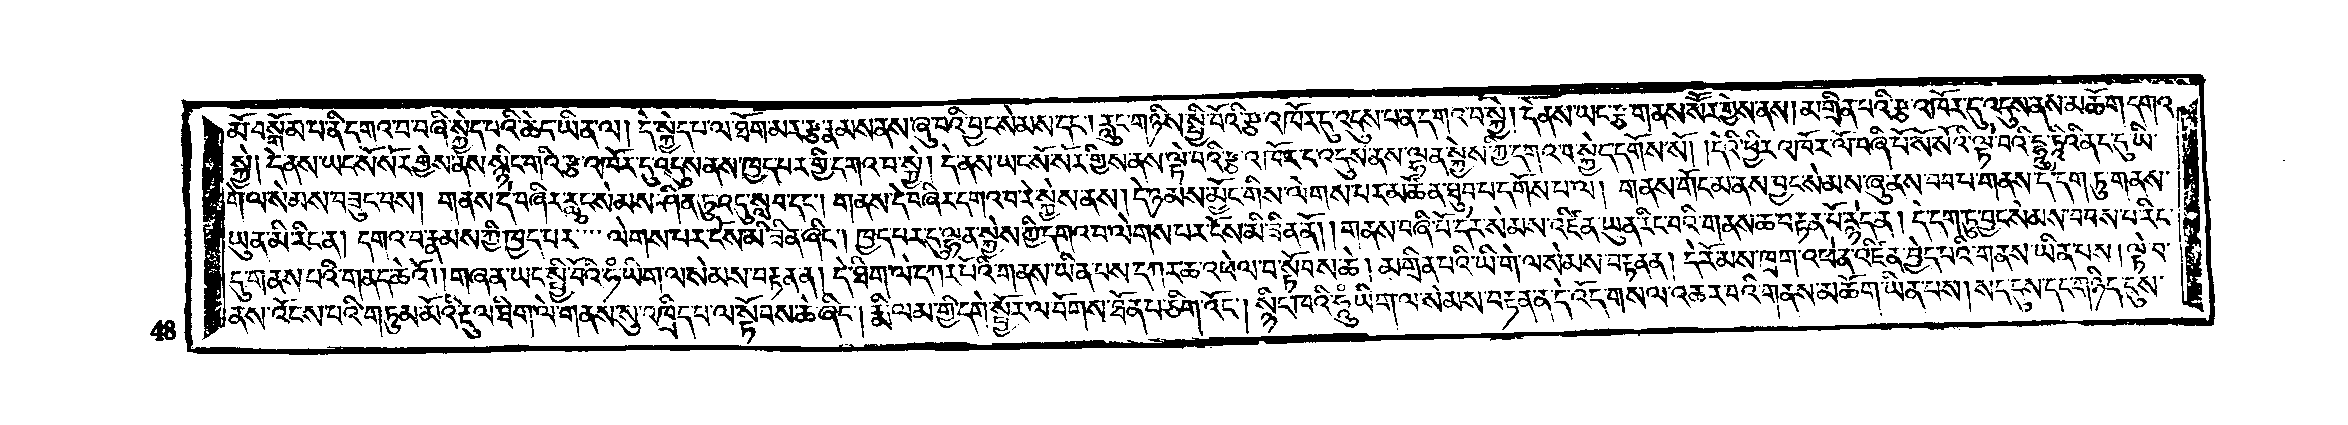མོ་བསྒོམ་པ་ནི་དགའ་བ་བཞི་སྐྱེད་པའི་ཆེད་ཡིན་ལ། དེ་སྐྱེད་པ་ལ་ཐོག་མར་རྩ་རྣམས་ནས་ཞུ་བའི་བྱང་སེམས་དང་། རླུང་གཉིས་སྤྱི་བོའི་རྩ་འཁོར་དུ་འདུས་པ་ན་དགའ་བ་སྐྱེ། དེ་ནས་ཡང་རྩ་གནས་སོ་སོར་གྱེས་ནས། མགྲིན་པའི་རྩ་འཁོར་དུ་འདུས་ནས་མཆོག་དགའ་
སྐྱེ། དེ་ནས་ཡང་སོ་སོར་གྱེས་ནས་སྙིང་གའི་རྩ་འཁོར་དུ་འདུས་ནས་ཁྱད་པར་གྱི་དགའ་བ་སྐྱེ། དེ་ནས་ཡང་སོ་སོར་གྱེས་ནས་ལྟེ་བའི་རྩ་འཁོར་དུ་འདུས་ནས་ལྷན་སྐྱེས་ཀྱི་དགའ་བ་སྐྱེད་དགོས་སོ། །དེའི་ཕྱིར་འཁོར་ལོ་བཞི་པོ་སོ་སོའི་ལྟེ་བའི་དྷཱུ་ཏཱིའི་ནང་དུ་ཡི་
གེ་ལ་སེམས་བཟུང་བས། གནས་དེ་བཞིར་རླུང་སེམས་ཤིན་ཏུ་འདུ་སླ་བ་དང་། གནས་དེ་བཞིར་དགའ་བ་རེ་སྐྱེས་ནས། དེ་ཉམས་མྱོང་གིས་ལེགས་པར་མཚོན་ཐུབ་པ་དགོས་པ་ལ། གནས་གོང་མ་ནས་བྱང་སེམས་ཞུ་ནས་བབ་པ་གནས་དེ་དག་ཏུ་གནས་
ཡུན་མི་རིང་ན། དགའ་བ་རྣམས་ཀྱི་ཁྱད་པར་ལེགས་པར་ངོས་མི་ཟིན་ཞིང་། ཁྱད་པར་དུ་ལྷན་སྐྱེས་ཀྱི་དགའ་བ་ལེགས་པར་ངོས་མི་ཟིན་ནོ། །གནས་བཞི་པོ་དེར་སེམས་འཛིན་ཡུན་རིང་བའི་གནས་ཆ་བརྟན་པོ་རྙེད་ན། དེ་དག་ཏུ་བྱང་སེམས་བབས་པ་རིང་
དུ་གནས་པའི་གནད་ཆེའོ། །གཞན་ཡང་སྤྱི་བོའི་ཧཾ་ཡིག་ལ་སེམས་བརྟན་ན། དེ་ཐིག་ལེ་དཀར་པོའི་གནས་ཡིན་པས་དཀར་ཆ་འཕེལ་བ་སྟོབས་ཆེ། མགྲིན་པའི་ཡི་གེ་ལ་སེམས་བརྟན་ན། དེ་རོ་མས་ཁྲག་འཕེན་འཛིན་བྱེད་པའི་གནས་ཡིན་པས། ལྟེ་བ་
ནས་འོངས་པའི་གཏུམ་མོའི་རྡུལ་ཐིག་ལེ་གནས་སུ་འཁྲིད་པ་ལ་སྟོབས་ཆེ་ཞིང་། རྨི་ལམ་གྱི་དགེ་སྦྱོར་ལ་བོགས་ཐོན་པ་ཅིག་འོང་། སྙིང་ཁའི་ཧཱུཾ་ཡིག་ལ་སེམས་བརྟན་ན་དེ་འོད་གསལ་འཆར་བའི་གནས་མཆོག་ཡིན་པས། སད་དུས་དང་གཉིད་དུས་